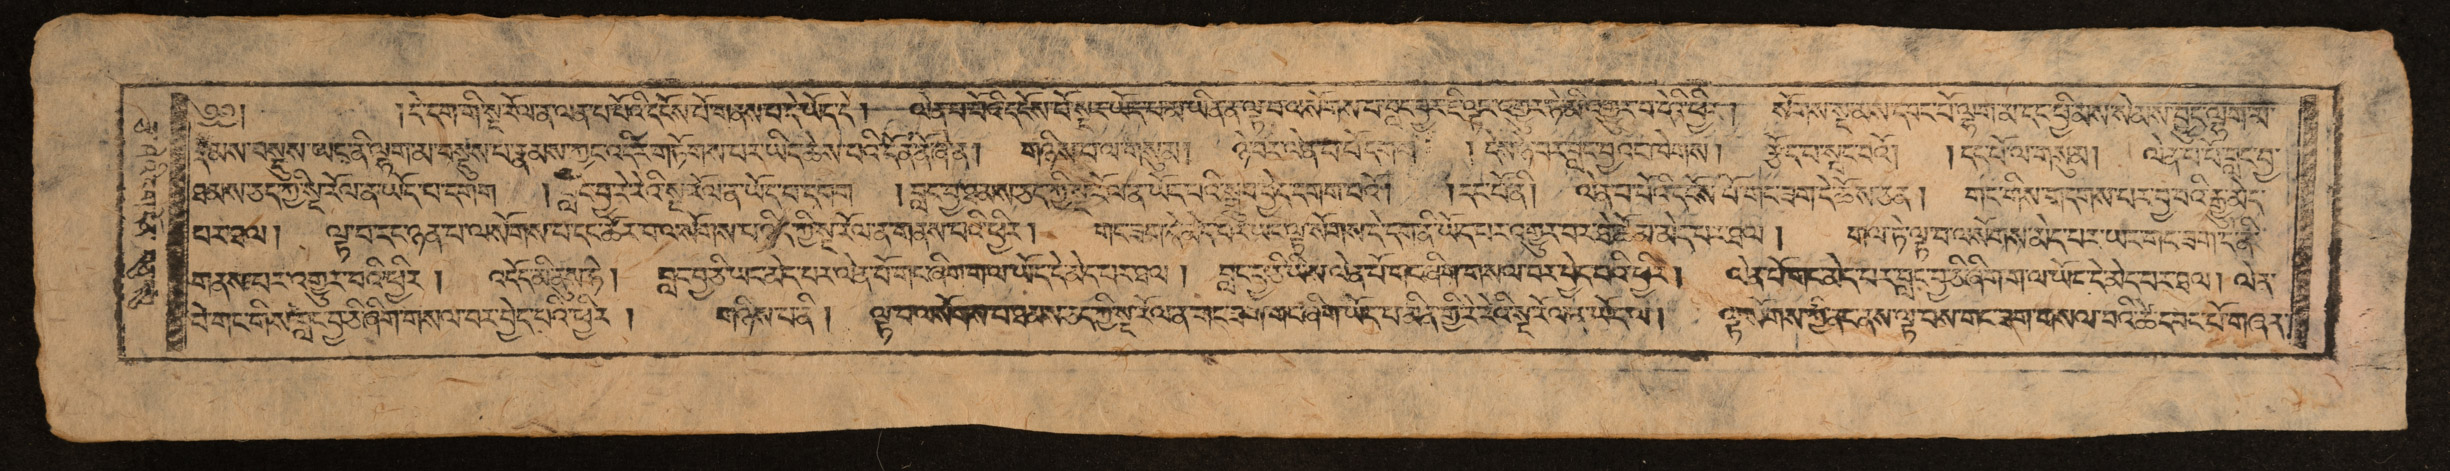༄༅། །དེ་དག་གི་སྔ་རོལ་ན་ལན་པ་པོའི་དངོས་པོ་གནས་པ་དེ་ཡོད་དེ། ལེན་པ་པོའི་དངོས་པོས་སྔར་ཡོད་པ་མ་ཡིན་ན་ལྟ་བ་ལ་སོགས་པ་བླང་བྱར་ཇི་ལྟར་འགྱུར་ཏེ་མི་འགྱུར་བ་དེའི་ཕྱིར། སོགས་སྔ་མས་དབང་པོ་ལྷག་མ་དང་ཕྱི་མས་སེམས་བྱུང་ལྷག་མ་
རྣམས་བསྡུས་ཡང་ནི་ལྷག་མ་བསྡུས་པ་རྣམས་ཀྱང་འདིར་གཏོགས་པར་ཡིད་ཆེས་པའི་དོན་ནོ་ཞེ་ན། གཉིས་པ་ལ་གསུམ། ཉེ་བར་ལེན་པ་པོ་དགག །ངེས་ཉེ་བར་བླང་བྱའང་ཁེགས། རྩོད་པ་སྤང་བའོ། །དང་པོ་ལ་གསུམ། ལེན་པ་པོ་བླང་བྱ་
ཐམས་ཅད་ཀྱི་སྔ་རོལ་ན་ཡོད་པ་དགག །བླང་བྱ་རེ་རེའི་སྔ་རོལ་ན་ཡོད་པ་དགག །བླང་བྱ་ཐམས་ཅད་ཀྱི་སྔ་རོལ་ན་ཡོད་པའི་སྒྲུབ་བྱེད་དགག་པའོ། །དང་པོ་ནི། ལེན་པ་པོའི་དངོས་པོ་གང་ཟག་དེ་ཆོས་ཅན། གང་གིས་གདགས་པར་བྱ་བའི་རྒྱུ་མེད་
པར་ཐལ། ལྟ་བ་དང་ཉན་པ་ལ་སོགས་པ་དང་ཚོར་བ་ལ་སོགས་པ་ཉིད་ཀྱི་སྔ་རོལ་ན་གནས་པའི་ཕྱིར། གང་ཟག་དེ་མེད་པར་ཡང་ལྟ་སོགས་དེ་དག་ནི་ཡོད་པར་འགྱུར་བར་ཐེ་ཚོམ་མེད་པར་ཐལ། གལ་ཏེ་ལྟ་བ་ལ་སོགས་མེད་པར་ཡང་གང་ཟག་དེ་ནི་
གནས་པར་འགྱུར་བའི་ཕྱིར། འདོད་མི་ནུས་ཏེ། བླང་བྱ་ཅི་ཡང་མེད་པར་ལེན་པོ་གང་ཞིག་ག་ལ་ཡོད་དེ་མེད་པར་ཐལ། བླང་བྱ་ཅི་ཡིས་ལེན་པོ་གང་ཞིག་གསལ་བར་བྱེད་པའི་ཕྱིར། ལེན་པོ་གང་མེད་པར་བླང་བྱ་ཅི་ཞིག་ག་ལ་ཡོད་དེ་མེད་པར་ཐལ། ལེན་
པོ་གང་གིས་བླང་བྱ་ཅི་ཞིག་གསལ་བར་བྱེད་པའི་ཕྱིར། གཉིས་པ་ནི། ལྟ་བ་ལ་སོགས་པ་ཐམས་ཅད་ཀྱི་སྔ་རོལ་ན་གང་ཟག་གང་ཞིག་ཡོད་པ་མིན་གྱི་རེ་རེའི་སྔ་རོལ་ན་ཡོད་ལ། ལྟ་སོགས་ཀྱི་ནང་ནས་ལྟ་བས་གང་ཟག་གསལ་བའི་ཚེ་དབང་པོ་གཞན་